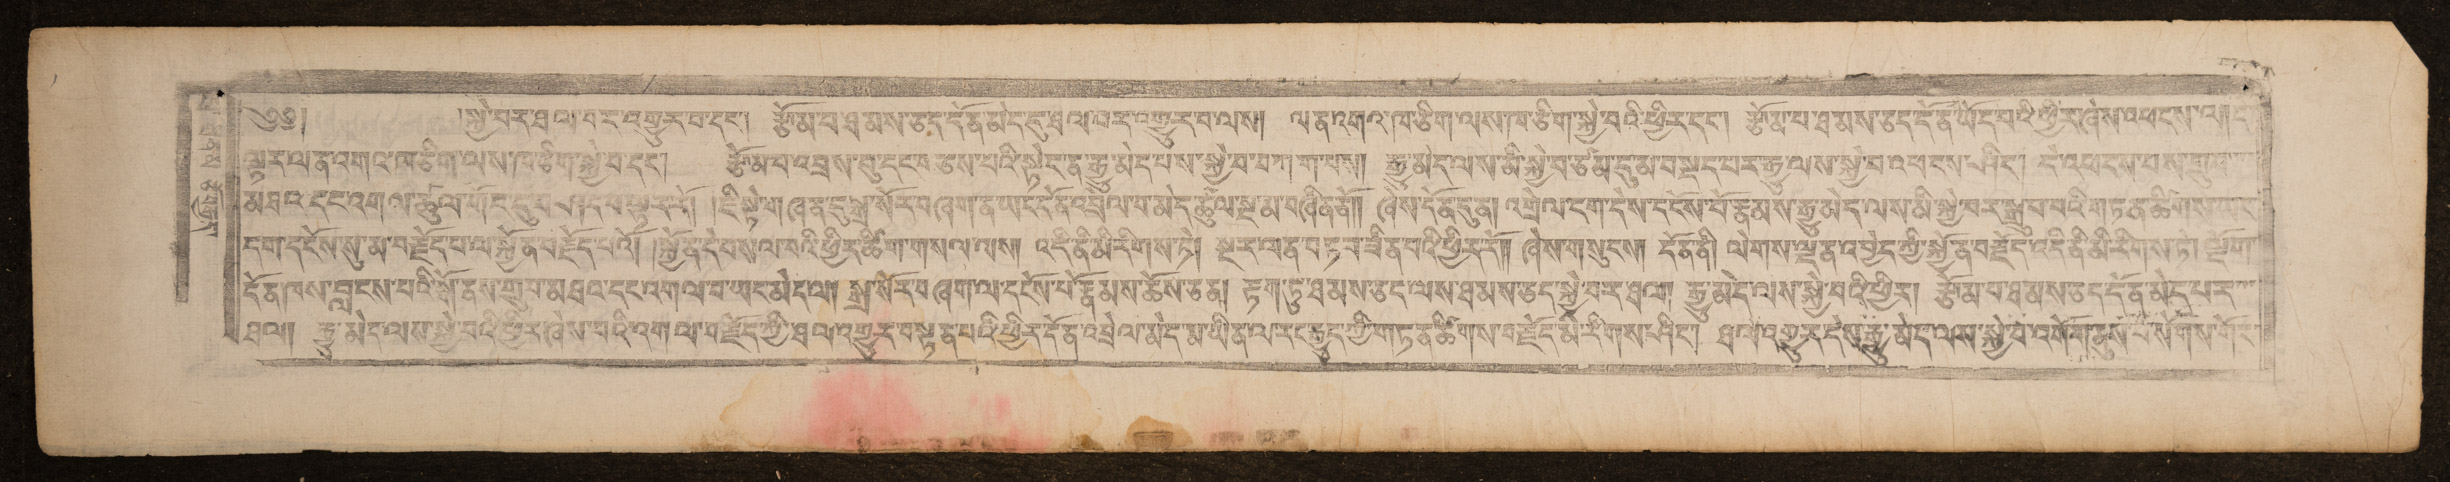༄༅། །སྐྱེ་བར་ཐལ་བར་འགྱུར་བ་དང་། རྩོམ་པ་ཐམས་ཅད་དོན་མེད་དུ་ཐལ་བར་འགྱུར་བ་ལས། ལན་འགའ་ཁ་ཅིག་ལས་ཁ་ཅིག་སྐྱེ་བའི་ཕྱིར་དང་། རྩོམ་པ་ཐམས་ཅད་དོན་ཡོད་པའི་ཕྱིར་ཞེས་འཕངས་ལ། དེ་
ལྟར་ལན་འགའ་ཁ་ཅིག་ལས་ཁ་ཅིག་སྐྱེ་བ་དང་། རྩོམ་པ་འབྲས་བུ་དང་བཅས་པའི་སྟེང་ན་རྒྱུ་མེད་ལས་སྐྱེ་བ་བཀག་པས། རྒྱུ་མེད་ལས་མི་སྐྱེ་བ་ཙམ་དུ་མ་བསྡད་པར་རྒྱུ་ལས་སྐྱེ་བ་འཕངས་ཤིང་། དེ་འཕངས་པས་གྲུབ་
མཐའ་དང་འགལ་ཚུལ་གོང་དུ་བཤད་པ་ལྟར་རོ། །ཇི་སྟེ་གཞན་དུ་སྒྲ་སོར་བཞག་ན་ཡང་དོན་འབྲེལ་བ་མེད་ཚུལ་སྔ་མ་བཞིན་ནོ། །ཞེས་དོན་དུ་ན། འགྲེལ་ངག་དེས་དངོས་པོ་རྣམས་རྒྱུ་མེད་ལས་མི་སྐྱེ་བར་སྒྲུབ་པའི་གཏན་ཚིགས་ཡང་
དག་དངོས་སུ་མ་བརྗོད་པ་ལ་སྐྱོན་བརྗོད་པའོ། །སྐྱོན་དེ་བསལ་བའི་ཕྱིར་ཚིག་གསལ་ལས། འདི་ནི་མི་རིགས་ཏེ། སྔར་ལན་བཏབ་ཟིན་པའི་ཕྱིར་རོ། །ཞེས་གསུངས། དོན་ནི། ལེགས་ལྡན་འབྱེད་ཀྱི་སྐྱོན་བརྗོད་འདི་ནི་མི་རིགས་ཏེ། ལྡོག་
དོན་ཁས་བླངས་པའི་སྒོ་ནས་གྲུབ་མཐའ་དང་འགལ་བ་ཡང་མེད་ལ། སྒྲ་སོར་བཞག་ལ་དངོས་པོ་རྣམས་ཆོས་ཅན། རྟག་ཏུ་ཐམས་ཅད་ལས་ཐམས་ཅད་སྐྱེ་བར་ཐལ། རྒྱུ་མེད་ལས་སྐྱེ་བའི་ཕྱིར། རྩོམ་པ་ཐམས་ཅད་དོན་མེད་པར་
ཐལ། རྒྱུ་མེད་ལས་སྐྱེ་བའི་ཕྱིར་ཞེས་པའི་འགལ་བརྗོད་ཀྱི་ཐལ་འགྱུར་བསྟན་པའི་ཕྱིར་དོན་འབྲེལ་མེད་མ་ཡིན་ལ་རང་རྒྱུད་ཀྱི་གཏན་ཚིགས་བརྗོད་མི་རིགས་ཤིང་། ཐལ་འགྱུར་དེས་རྒྱུ་མེད་ལས་སྐྱེ་བ་འགོག་ནུས་པ་སོགས་གོང་